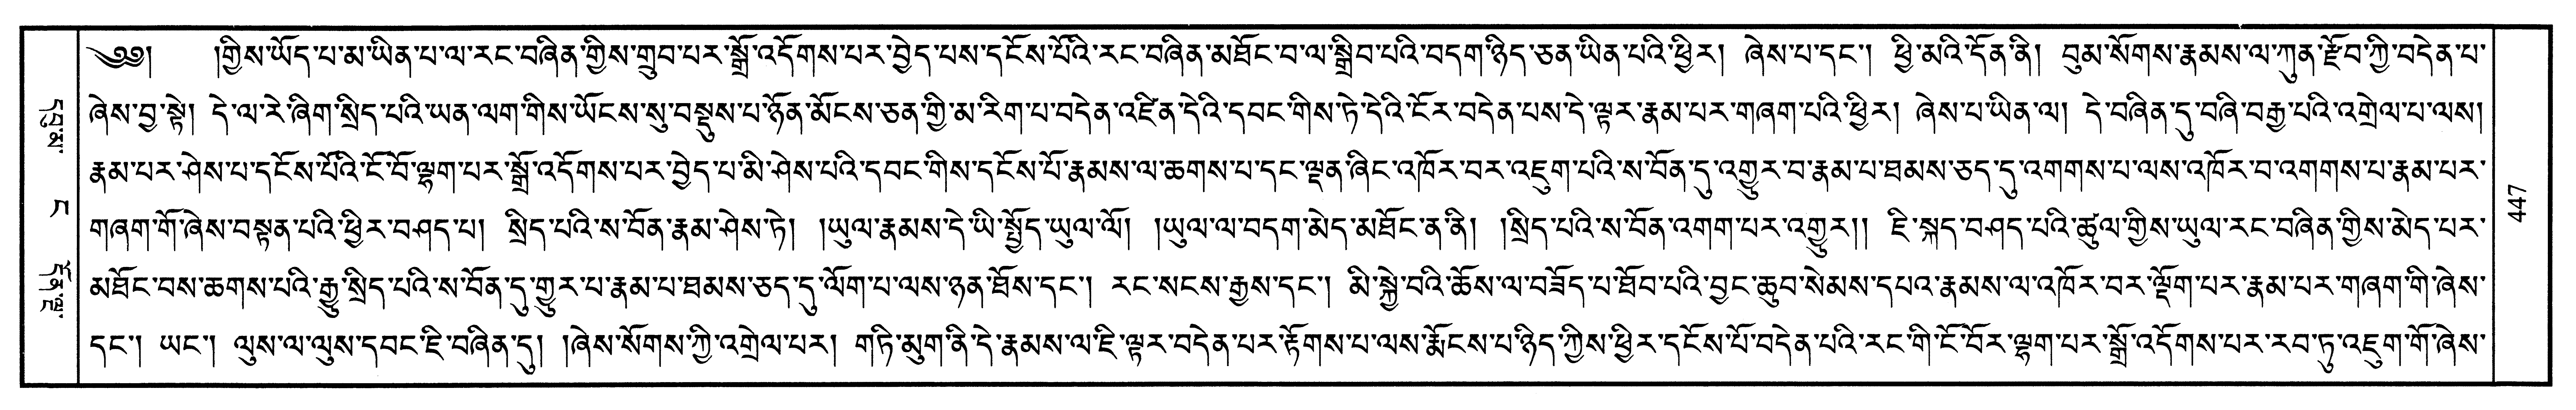༄༅། །གྱིས་ཡོད་པ་མ་ཡིན་པ་ལ་རང་བཞིན་གྱིས་གྲུབ་པར་སྒྲོ་འདོགས་པར་བྱེད་པས་དངོས་པོའི་རང་བཞིན་མཐོང་བ་ལ་སྒྲིབ་པའི་བདག་ཉིད་ཅན་ཡིན་པའི་ཕྱིར། ཞེས་པ་དང་། ཕྱི་མའི་དོན་ནི། བུམ་སོགས་རྣམས་ལ་ཀུན་རྫོབ་ཀྱི་བདེན་པ་
ཞེས་བྱ་སྟེ། དེ་ལ་རེ་ཞིག་སྲིད་པའི་ཡན་ལག་གིས་ཡོངས་སུ་བསྡུས་པ་ཉོན་མོངས་ཅན་གྱི་མ་རིག་པ་བདེན་འཛིན་དེའི་དབང་གིས་ཏེ་དེའི་ངོར་བདེན་པས་དེ་ལྟར་རྣམ་པར་གཞག་པའི་ཕྱིར། ཞེས་པ་ཡིན་ལ། དེ་བཞིན་དུ་བཞི་བརྒྱ་པའི་འགྲེལ་པ་ལས།
རྣམ་པར་ཤེས་པ་དངོས་པོའི་ངོ་བོ་ལྷག་པར་སྒྲོ་འདོགས་པར་བྱེད་པ་མི་ཤེས་པའི་དབང་གིས་དངོས་པོ་རྣམས་ལ་ཆགས་པ་དང་ལྡན་ཞིང་འཁོར་བར་འཇུག་པའི་ས་བོན་དུ་འགྱུར་བ་རྣམ་པ་ཐམས་ཅད་དུ་འགགས་པ་ལས་འཁོར་བ་འགགས་པ་རྣམ་པར་
གཞག་གོ་ཞེས་བསྟན་པའི་ཕྱིར་བཤད་པ། སྲིད་པའི་ས་བོན་རྣམ་ཤེས་ཏེ། །ཡུལ་རྣམས་དེ་ཡི་སྤྱོད་ཡུལ་ལོ། །ཡུལ་ལ་བདག་མེད་མཐོང་ན་ནི། །སྲིད་པའི་ས་བོན་འགག་པར་འགྱུར།། ཇི་སྐད་བཤད་པའི་ཚུལ་གྱིས་ཡུལ་རང་བཞིན་གྱིས་མེད་པར་
མཐོང་བས་ཆགས་པའི་རྒྱུ་སྲིད་པའི་ས་བོན་དུ་གྱུར་པ་རྣམ་པ་ཐམས་ཅད་དུ་ལོག་པ་ལས་ཉན་ཐོས་དང་། རང་སངས་རྒྱས་དང་། མི་སྐྱེ་བའི་ཆོས་ལ་བཟོད་པ་ཐོབ་པའི་བྱང་ཆུབ་སེམས་དཔའ་རྣམས་ལ་འཁོར་བར་ལྡོག་པར་རྣམ་པར་གཞག་གི་ཞེས་
དང་། ཡང་། ལུས་ལ་ལུས་དབང་ཇི་བཞིན་དུ། །ཞེས་སོགས་ཀྱི་འགྲེལ་པར། གཏི་མུག་ནི་དེ་རྣམས་ལ་ཇི་ལྟར་བདེན་པར་རྟོགས་པ་ལས་རྨོངས་པ་ཉིད་ཀྱིས་ཕྱིར་དངོས་པོ་བདེན་པའི་རང་གི་ངོ་བོར་ལྷག་པར་སྒྲོ་འདོགས་པར་རབ་ཏུ་འཇུག་གོ་ཞེས་